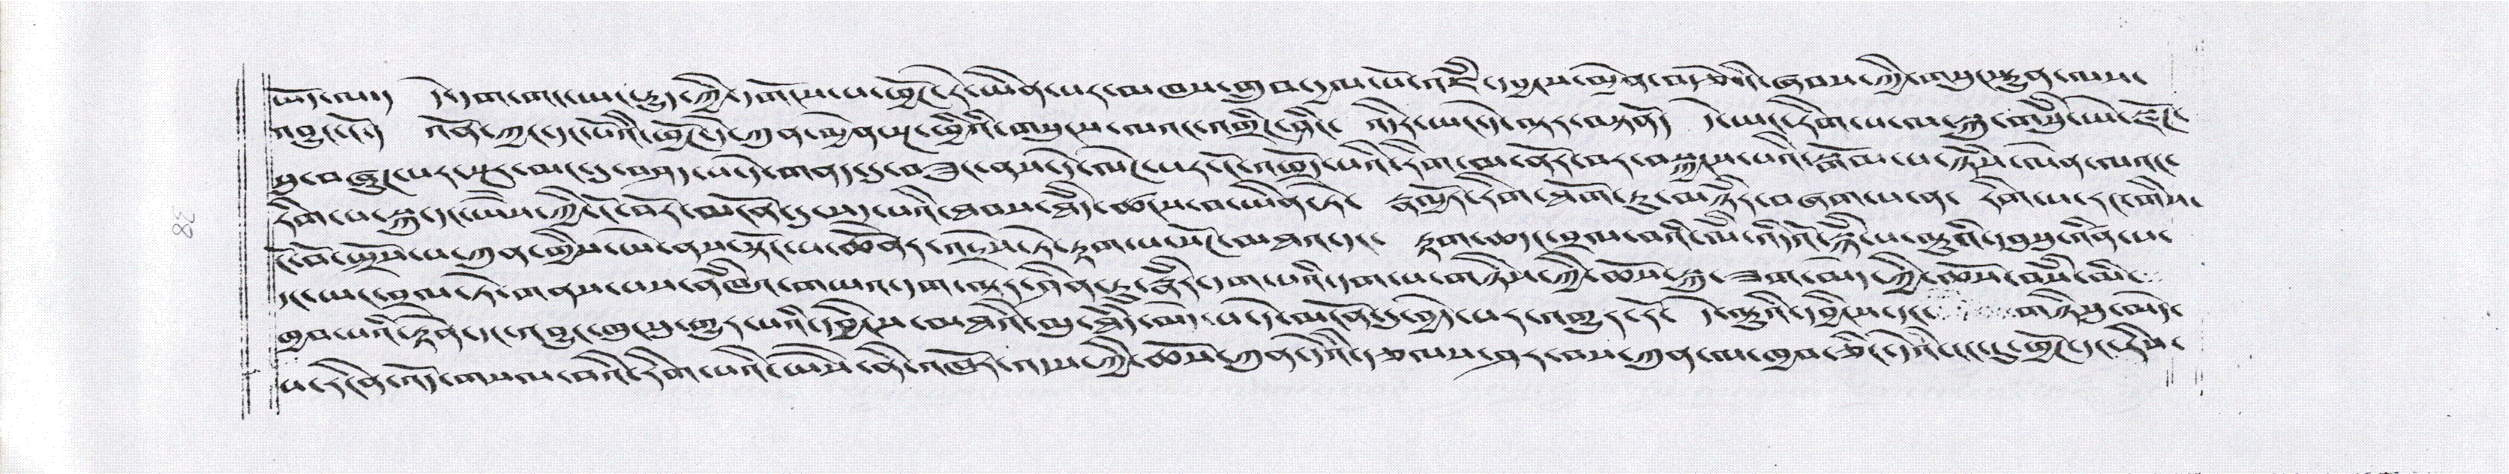ཡོད་ལ། དེ་དག་གང་ཡང་རྒྱུད་ཀྱི་དགོངས་པ་ཕྱོགས་རེ་ཡིན་པར་མཁས་གྲུབ་རྒྱལ་པོ་འཇམ་དབྱངས་མཁྱེན་བརྩེའི་ཞབས་ཀྱི་གསུང་རྒྱུན་ལས་
འབྱུང་ངོ་། འོན་ཀྱང་དང་པོའི་ཕྱོགས་དེ་ཀུན་མཁྱེན་སྔ་ཕྱིའི་གསུང་ལའང་འགྲིགས་ཤིང་འདིར་ཡང་དེ་ལྟར་བསྟན་ནོ། དེ་ཡང་རིག་པ་ལ་སྐུ་གསུམ་ཡེ་རྫོགས་
སུ་བཞུགས་པར་སྔར་མང་དུ་བཤད་པ་དེ་དག་གནད་དུ་བཟུང་ནས་དེ་ལེགས་པར་ངོ་འཕྲོད་པའི་རིག་༼༽མ་ནོར་བར་བསྐྱངས་པའི་སྒོམ་པ་ཉམས་ལེན་ལའང་
རིག་པ་སྐུ་དང་ཡེ་ཤེས་ཀྱི་ངོ་བོར་མངོན་དུ་སད་པའི་ཐབས་ཐམས་ཅད་ཚང་བ་ཡིན་ཏེ། རྣལ་འབྱོར་རིག་ཐོག་ཏུ་མཉམ་པར་བཞག་པ་ན། རིག་པ་རང་གི་
ངོ་བོ་སྤྲོས་པ་ཀུན་གྱིས་ཡེ་ནས་སྟོང་པ་ཆེན་པོར་འདྲེས་ཏེ་རྟག་པ་སོགས་མཐའ་དང་། རྟག་ཆད་དང་བྲལ་བའི་ལམ་འདིའོ་སྙམ་པ་ལྟ་བུའི་དབུས་སུ་འཛིན་པ་
དང་ཡང་བྲལ་ཏེ་གནས་པས་ནམ་མཁའ་གཡའ་དག་ལྟར་ཤིན་ཏུ་རྣམ་པར་དག་པའི་དག་པ་གཉིས་ཀྱི་ཆོས་སྐུ་ཟག་མེད་ཀྱི་ཆོས་བསམ་མི་
ཁྱབ་པའི་རྟེན་དང་འབྱུང་ཁུངས་སུ་གྱུར་པའི་དབྱིངས་མཐའི་མུ་ཐམས་ཅད་མེད་པ་དེ་མངོན་དུ་བྱེད་པར་འགྱུར་རོ། དེ་ལྟ་བུའི་དབྱིངས་དང་གཉིས་སུ་མེད་
པ་རང་བཞིན་འོད་གསལ་བའི་རིག་པའི་ཡེ་ཤེས་ནི་འཁོར་འདས་ཀྱི་ཆོས་ཀུན་དེའི་རྩལ་ལས་ཤར་བས་ཀུན་ལ་ཁྱབ་ཅིང་དེའི་ངང་དུ་ཕྱོགས་དང་རིས་